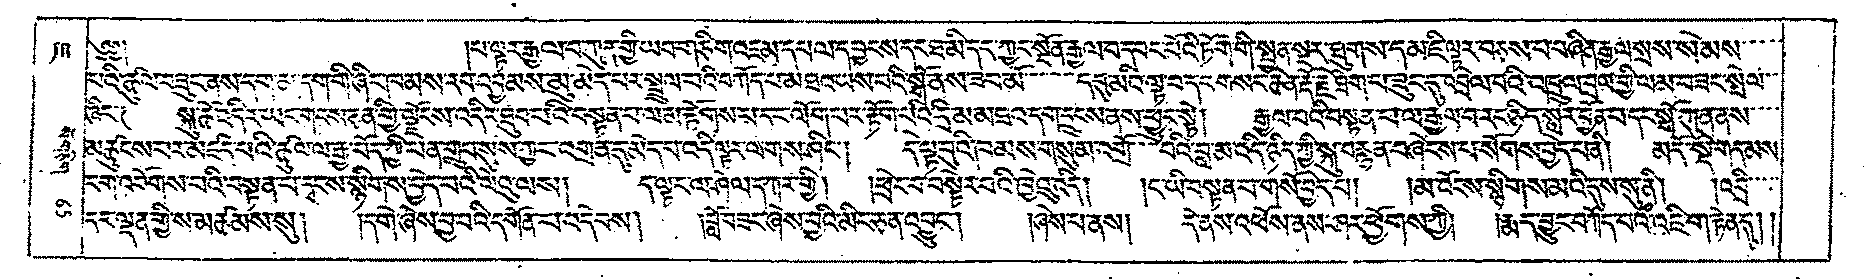༄༅། །པ་ལྟར་རྒྱལ་བ་ཀུན་གྱི་ཡབ་གཅིག་འཇམ་དཔལ་དབྱངས་དང་ཐ་མི་དད་ཀྱང་སྔོན་རྒྱལ་བ་དབང་པོའི་ཏོག་གི་སྤྱན་སྔར་ཐུགས་དམ་ཇི་ལྟར་བཅས་པ་བཞིན་རྒྱལ་སྲས་སེམས་
པའི་ཚུལ་བཟུང་ནས་དག་མ་དག་གི་ཞིང་ཁམས་རབ་འབྱམས་མུ་མེད་པར་སྤྲུལ་པའི་བཀོད་པ་མཐའ་ཡས་པའི་སྒོ་ནས་ཟབ་མོ་དབུ་མའི་ལྟ་བ་དང་གསང་ཆེན་རྡོ་རྗེ་ཐེག་པ་ཟུང་དུ་འབྲེལ་བའི་འཁྲུལ་བྲལ་གྱི་ལམ་བཟང་སྤེལ་
ཞིང་། སྐུ་ཚེ་འདིར་ཡང་གངས་ཅན་གྱི་ལྗོངས་འདིར་ཐུབ་པའི་བསྟན་པ་ལ་མ་རྟོགས་པ་དང་ལོག་པར་རྟོག་པའི་དྲི་མ་མཐའ་དག་དྲུངས་ནས་ཕྱུང་སྟེ། རྒྱལ་བའི་བསྟན་པ་ལ་རྒྱལ་བ་རང་ཉིད་སླར་བྱོན་པ་དང་སྒོ་ཀུན་ནས་
མཚུངས་པར་མཛད་པའི་ཚུལ་ལ་རྒྱ་བོད་ཀྱི་པན་གྲུབ་སུས་ཀྱང་འགྲན་དུ་མེད་པ་འདི་ལྟར་ལགས་ཤིང་། དེ་ལྟ་བུའི་ཁམས་གསུམ་འགྲོ་བའི་བླ་མ་འདི་ཉིད་ཀྱི་སྐུ་བརྙན་བཞེངས་པ་སོགས་བྱེད་པ་ནི། མདོ་སྡེ་གདམས་
ངག་འབོགས་པའི་བསྟན་པ་དྭངས་སྙིགས་བྱེད་པའི་ལེའུ་ལས། ད་ལྟ་ང་ལ་ཤེལ་དཀར་གྱི། །ཕྲེང་བ་བསྟེར་བའི་ཁྱེའུ་འདི། །ང་ཡི་བསྟན་པ་གསོ་བྱེད་པ། །མ་འོངས་སྙིགས་མའི་དུས་སུ་ནི། །འབྲི་
དང་ལྡན་གྱི་ས་མཚམས་སུ། །དགེ་ཞེས་བྱ་བའི་དགོན་པ་འདེབས། །བློ་བཟང་ཞེས་བྱའི་མིང་ཅན་འབྱུང་། །ཞེས་པ་ནས། དེ་ནས་འཕོས་ནས་ཤར་ཕྱོགས་ཀྱི། །རྨད་བྱུང་བཀོད་པའི་འཇིག་རྟེན་དུ། །